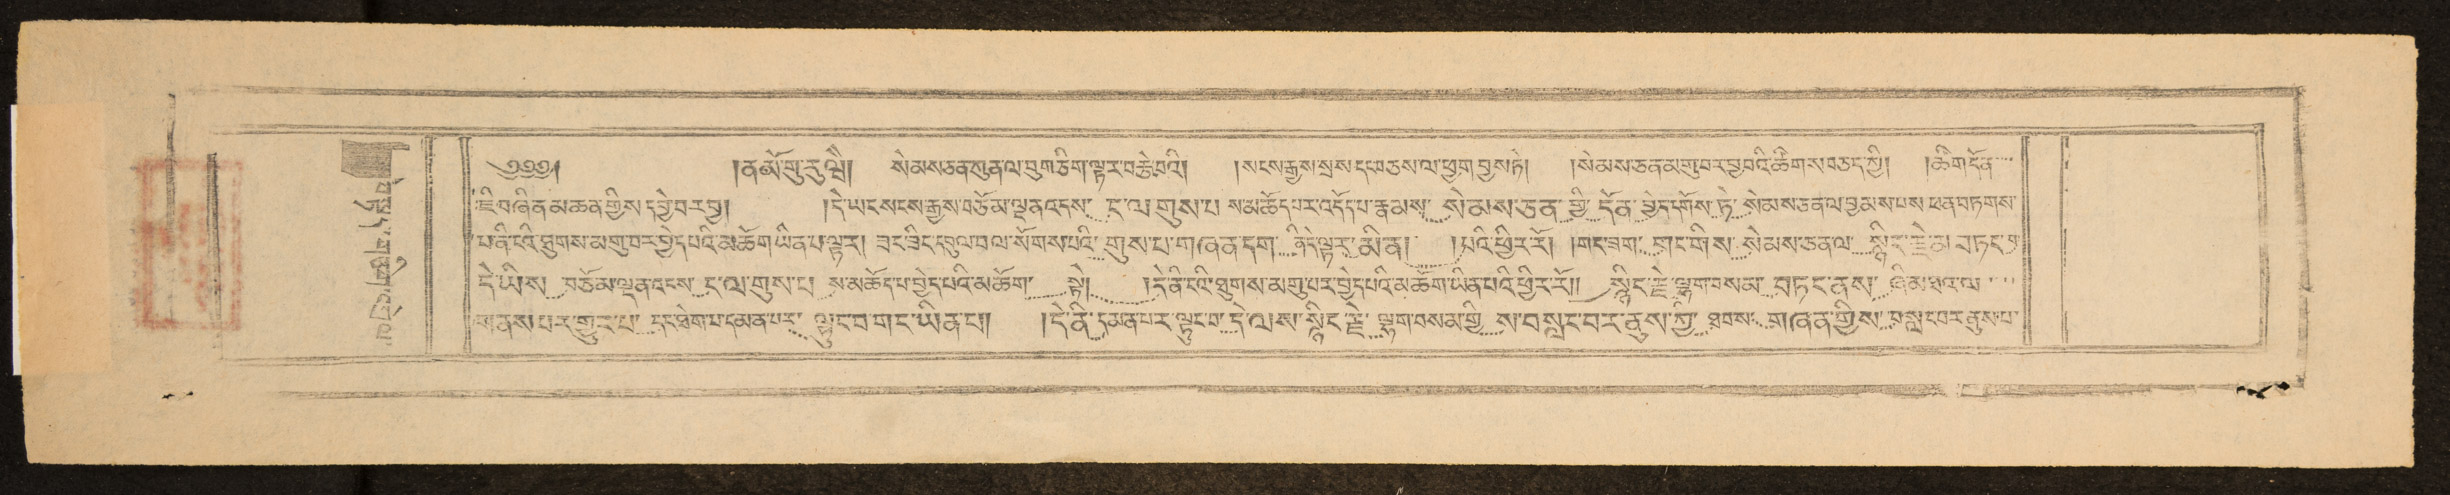༄༅༅། །ན་མོ་གུ་རུ་ཝཻ། སེམས་ཅན་ཀུན་ལ་བུ་གཅིག་ལྟར་བརྩེ་བའི། །སངས་རྒྱས་སྲས་དང་བཅས་ལ་ཕྱག་བྱས་ཏེ། །སེམས་ཅན་མགུ་བར་བྱའི་ཚིགས་བཅད་ཀྱི། །ཚིག་དོན་
ཇི་བཞིན་མཚན་གྱིས་དབྱེ་བར་བྱ། །དེ་ཡང་སངས་རྒྱས་བཅོམ་ལྡན་འདས་ང་ལ་གུས་པས་མཆོད་པར་འདོད་པ་རྣམས་སེམས་ཅན་གྱི་དོན་བྱེད་དགོས་ཏེ་སེམས་ཅན་ལ་བྱམས་པས་ཕན་བཏགས་
པ་ནི་ངའི་ཐུགས་མགུ་བར་བྱེད་པའི་མཆོག་ཡིན་པ་ལྟར། ཟང་ཟིང་དབུལ་བ་ལ་སོགས་པའི་གུས་པ་གཞན་དག་ནི་དེ་ལྟར་མིན། །པའི་ཕྱིར་རོ། །གང་ཟག་གང་གིས་སེམས་ཅན་ལ་སྙིང་རྗེ་མ་བཏང་
དེ་ཡིས། བཅོམ་ལྡན་འདས་ང་ལ་གུས་པས་མཆོད་པ་བྱེད་པའི་མཆོག་སྟེ། །དེ་ནི་ངའི་ཐུགས་མགུ་བར་བྱེད་པའི་མཆོག་ཡིན་པའི་ཕྱིར་རོ།། སྙིང་རྗེ་ལྷག་བསམ་བཏང་ནས་ཞི་མཐའ་ལ་
གནས་པར་གྱུར་པ་དང་ཐེག་པ་དམན་པར་ལྟུང་བ་གང་ཡིན་པ། །དེ་ནི་དམན་པར་ལྟུང་བ་དེ་ལས་སྙིང་རྗེ་ལྷག་བསམ་གྱིས་བསླང་བར་ནུས་ཀྱི་ཐབས་གཞན་གྱིས་བསླང་བར་ནུས་པ།